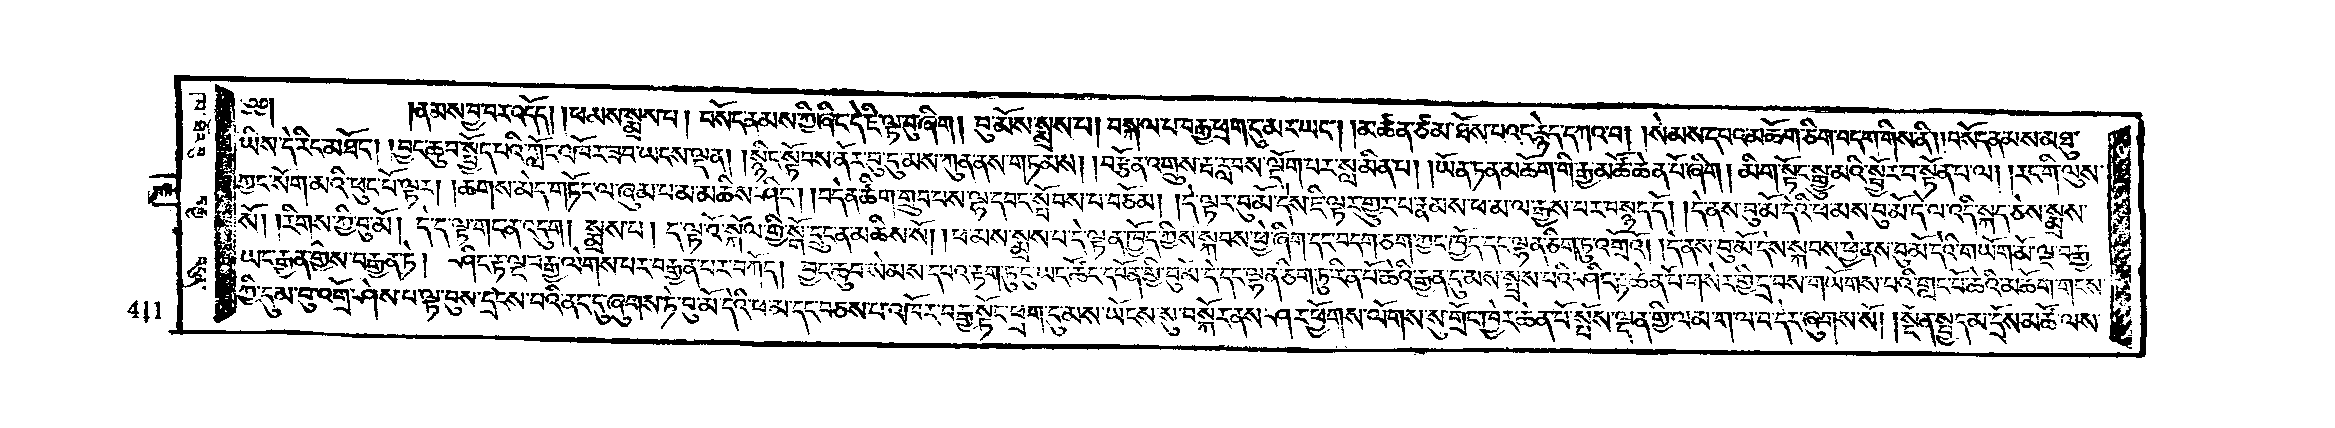༄༅། །ནམས་བྱ་བར་འདོད། །ཕ་མས་སྨྲས་པ། བསོད་ནམས་ཀྱི་ཞིང་དེ་ཇི་ལྟ་བུ་ཞིག །བུ་མོས་སྨྲས་པ། བསྐལ་པ་བརྒྱ་ཕྲག་དུ་མར་ཡང་། །མཚན་ཙམ་ཐོས་པའང་རྙེད་དཀའ་བ། །སེམས་དཔའ་མཆོག་ཅིག་བདག་གིས་ནི། །བསོད་ནམས་མཐུ་
ཡིས་དེ་རིང་མཐོང་། །བྱང་ཆུབ་སྤྱོད་པའི་ཀློང་འཁོར་ཟབ་ཡངས་ལྡན། །སྙིང་སྟོབས་ནོར་བུ་དུ་མས་ཀུན་ནས་གཏམས། །བརྩོན་འགྲུས་རྦ་རླབས་ལྡོག་པར་སླ་མིན་པ། །ཡོན་ཏན་མཆོག་གི་རྒྱ་མཚོ་ཆེན་པོ་ཞིག །མིག་སྟོང་སྒྱུ་མའི་སྦྱོར་བ་སྟོན་པ་ལ། །རང་གི་ལུས་
ཀྱང་སོག་མའི་ཕུང་པོ་ལྟར། །ཆགས་མེད་གཏོང་ལ་ཞུམ་པ་མ་མཆིས་ཤིང་། །བདེན་ཚིག་གྲུབ་པས་ལྷ་དབང་སྤོབས་པ་བཅོམ། །དེ་ལྟར་བུ་མོ་དེས་ཇི་ལྟར་གྱུར་པ་རྣམས་ཕ་མ་ལ་རྒྱས་པར་བསྙད་དོ། །དེ་ནས་བུ་མོ་དེའི་ཕ་མས་བུ་མོ་དེ་ལ་འདི་སྐད་ཅེས་སྨྲས་
སོ། །རིགས་ཀྱི་བུ་མོ། དེ་ད་ལྟ་གང་ན་འདུག །སྨྲས་པ། ད་ལྟ་འོ་སྐོལ་གྱི་སྒོ་དྲུང་ན་མཆིས་སོ། །ཕ་མས་སྨྲས་པ་དེ་ལྟ་ན་ཁྱོད་ཀྱིས་སྐབས་ཕྱེ་ཞིག་དང་བདག་ཅག་ཀྱང་ཁྱོད་དང་ལྷན་ཅིག་ཏུ་འགྲོའོ། །དེ་ནས་བུ་མོ་དེས་སྐབས་ཕྱེ་ནས་བུ་མོ་དེའི་གཡོག་མོ་ལྔ་བརྒྱ་
ཡང་རྒྱན་གྱིས་བརྒྱན་ཏེ། ཤིང་རྟ་ལྔ་བརྒྱ་ལེགས་པར་བརྒྱན་པར་བཀོད། བྱང་ཆུབ་སེམས་དཔའ་རྟག་ཏུ་ངུ་ཡང་ཚོང་དཔོན་གྱི་བུ་མོ་དེ་དང་ལྷན་ཅིག་ཏུ་རིན་པོ་ཆེའི་རྒྱན་དུ་མས་སྤྲས་པའི་ཤིང་རྟ་ཆེན་པོ་གསེར་གྱི་དྲ་བས་གཡོགས་པའི་གླང་པོ་ཆེའི་མཆོག་གངས་
ཀྱི་དུམ་བུ་འགྲོ་ཤེས་པ་ལྟ་བུས་དྲངས་པའི་ནང་དུ་ཞུགས་ཏེ་བུ་མོ་དེའི་ཕ་མ་དང་བཅས་པ་འཁོར་བརྒྱ་སྟོང་ཕྲག་དུ་མས་ཡོངས་སུ་བསྐོར་ནས་ཤར་ཕྱོགས་ལོགས་སུ་གྲོང་ཁྱེར་ཆེན་པོ་སྤོས་ལྡན་གྱི་ལམ་ག་ལ་བ་དེར་ཞུགས་སོ། །སྔོན་སྤྱད་མ་དྲོས་མཚོ་ལས་